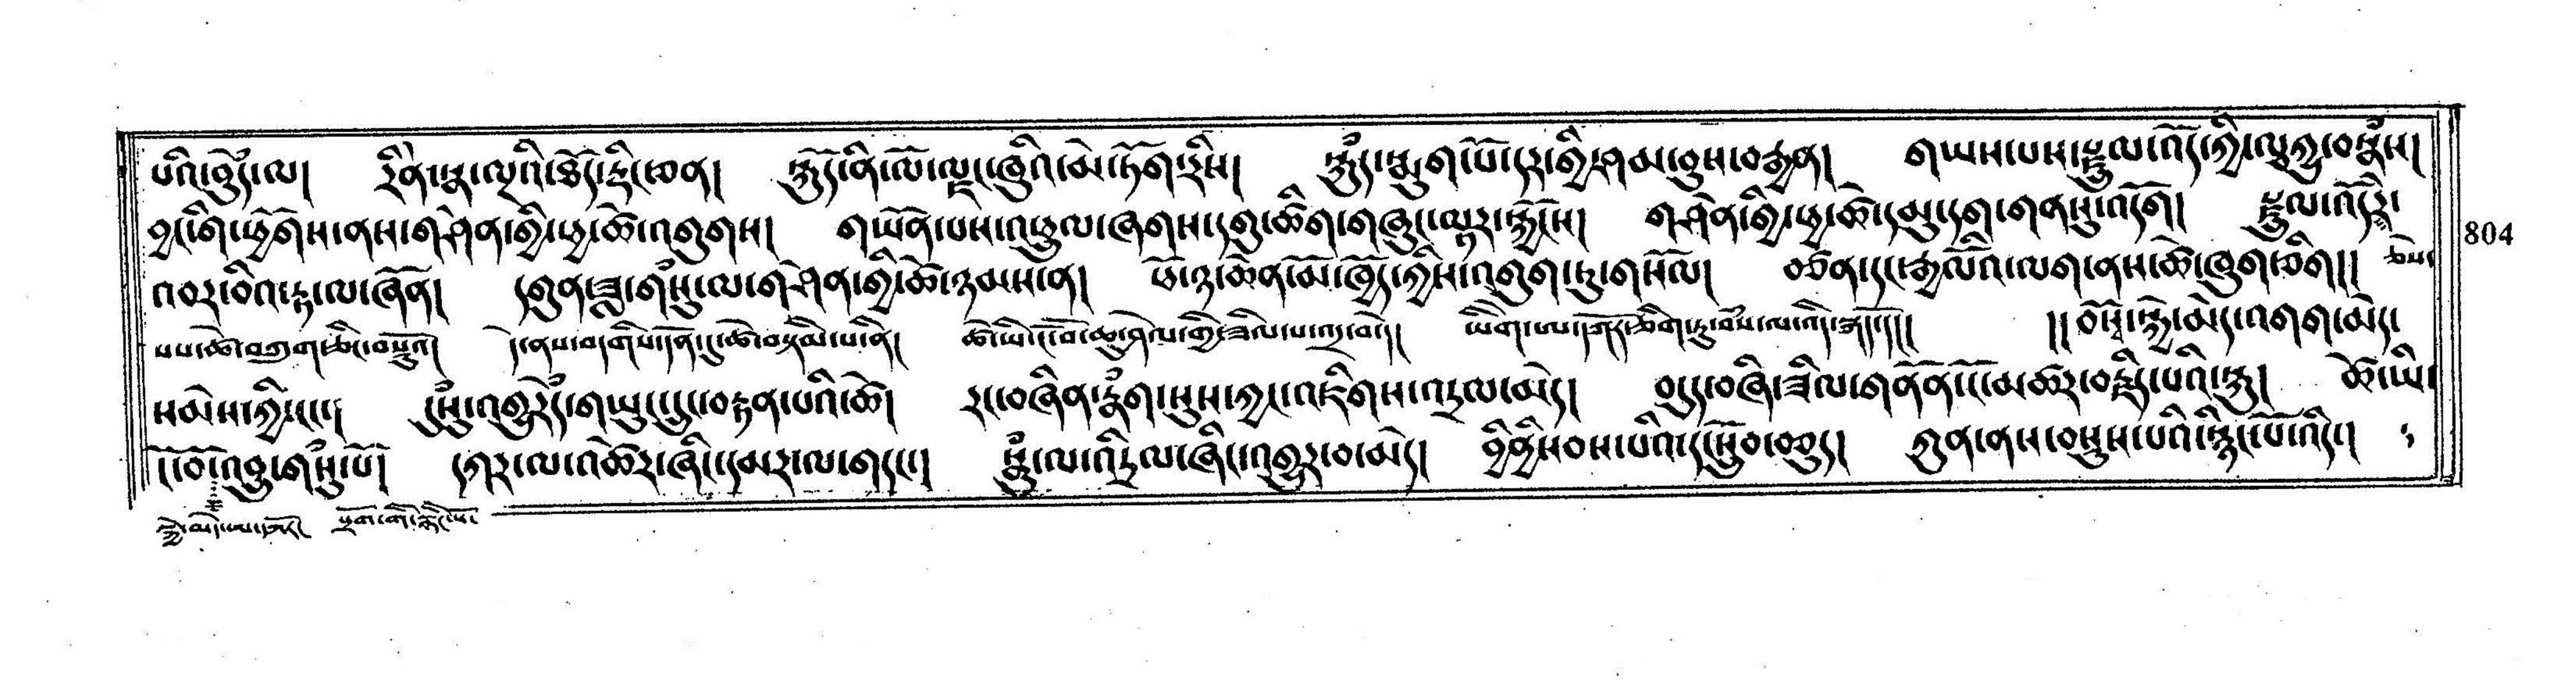པའི་བུད་མེད་ལ། རིན་ཆེན་སྣ་ལྔའི་ཐོད་རྡིང་ཅན། སྐུ་སྟོད་ནི་ལོ་ལྗང་ཁུའི་མེ་ཏོག་རིས། སྐུ་སྨད་སྨུག་པོ་དར་གྱི་ཤམ་བུས་བརྒྱན། གཡས་པས་རྫུ་འཕྲུལ་འོད་ཀྱི་ལྕག་ཀྱུ་བསྣམས། 
བྱང་གི་ཕྱོགས་ནས་གཤེན་གྱི་ཕྱ་ཚེ་འགུགས། གཡོན་པས་འཕྲུལ་ཞགས་དགུ་ཚིག་གཞུང་ལྟར་སྐྱོངས། གཤེན་གྱི་ཕྱ་ཚེ་དམུ་དག་གནས་སུ་འདོག རྫུ་འཕྲུལ་འོད་ཟེར་
འབར་བའི་རྟ་ལ་ཞོན། དགུན་ཟླ་གསུམ་ལ་གཤེན་གྱི་ཚེ་ཉམས་ན། ཕོ་ཉ་ཆེན་མོ་ཁྱོད་ཀྱིས་འགུག་ཏུ་གསོལ། བཙན་དང་རྒྱལ་པོའི་ལག་ནས་ཚེ་ཁུག་ཅིག ཅེས་
པས་ཚེ་བཀུག་ཅིང་བསྡུའོ། དེ་ནས་བདག་གི་དོན་དུ་ཚེ་བསྟིམ་པ་ནི། ཚེ་ཡི་ངོ་བོ་ཆུ་ཤེལ་གྱི་ཟིལ་པ་འདྲ་བ་དེ། ཡི་གེ་ཨ་དཀར་པོ་ཅིག་ཏུ་བསམ་ལ་འདི་སྐད་དོ།། །།བསྭོ་སྐྱེ་མེད་འགག་མེད་
སེམས་ཀྱི་ངང་། དུས་གསུམ་འགྱུར་མེད་གཡུང་དྲུང་བརྟན་པའི་ཚེ། རང་བཞིན་རྣམ་དག་སུས་ཀྱང་འཇིགས་འདྲལ་མེད། བདུད་བཞི་ཟིལ་གནོན་ངོ་མཚར་བརྗིད་པའི་སྐུ། ཚེ་ཡི་
ངོ་བོ་སྐྱེ་མེད་ཨ་དཀར་པོ། སྲོག་གི་སྙིང་པོ་འབྲུ་གསུམ་པོ། དཀར་ལ་འཚེར་ཞིང་དམར་ལ་གདང་། སྣུམ་ལ་འདྲིལ་ཞིང་འགྱུར་བ་མེད། བྱིན་གྱིས་བརླབས་པའི་དངོས་གྲུབ་བཅུད། ཀུན་ནས་བསྡུས་པའི་སྙིང་པོ་འདི།